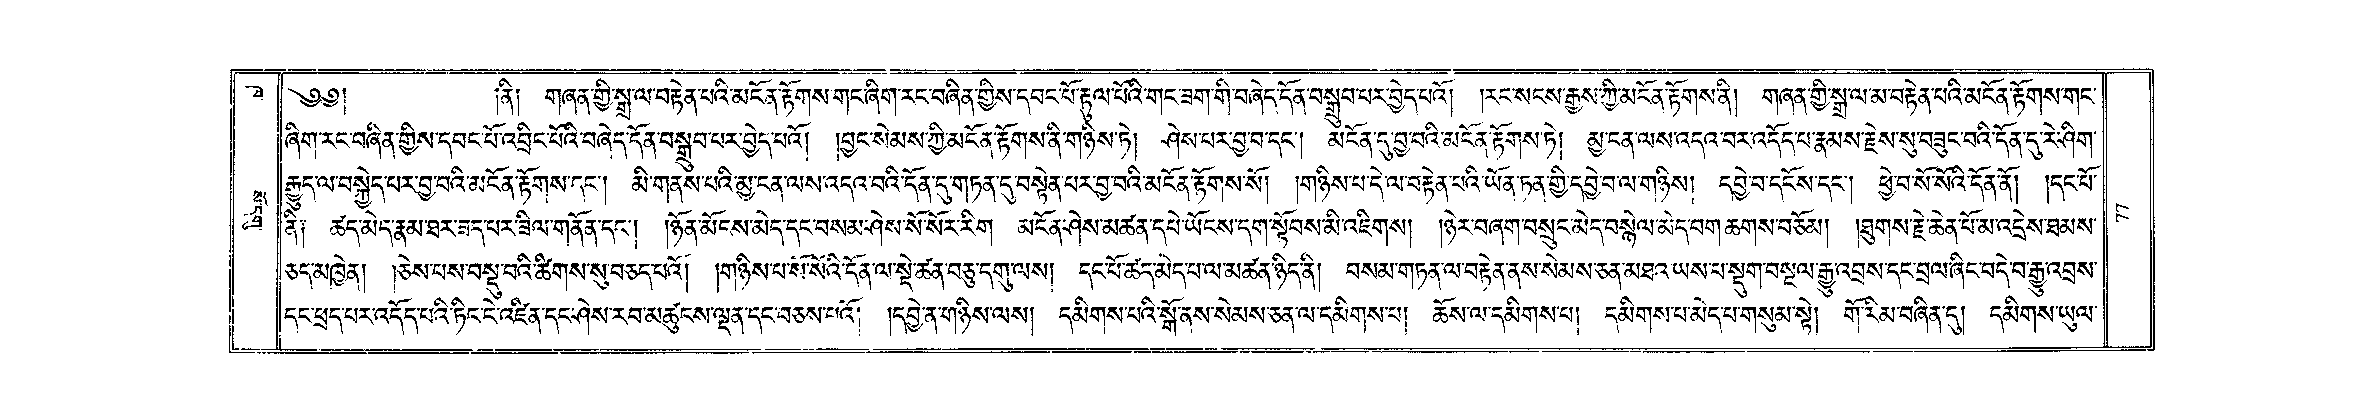༄༅། །ནི༑ གཞན་གྱི་སྒྲ་ལ་བརྟེན་པའི་མངོན་རྟོགས་གང་ཞིག་རང་བཞིན་གྱིས་དབང་པོ་རྟུལ་པོའི་གང་ཟག་གི་བཞེད་དོན་བསྒྲུབ་པར་བྱེད་པའོ། །རང་སངས་རྒྱས་ཀྱི་མངོན་རྟོགས་ནི། གཞན་གྱི་སྒྲ་ལ་མ་བརྟེན་པའི་མངོན་རྟོགས་གང་
ཞིག་རང་བཞིན་གྱིས་དབང་པོ་འབྲིང་པོའི་བཞེད་དོན་བསྒྲུབ་པར་བྱེད་པའོ། །བྱང་སེམས་ཀྱི་མངོན་རྟོགས་ནི་གཉིས་ཏེ། ཤེས་པར་བྱ་བ་དང་། མངོན་དུ་བྱ་བའི་མངོན་རྟོགས་ཏེ། མྱ་ངན་ལས་འདའ་བར་འདོད་པ་རྣམས་རྗེས་སུ་བཟུང་བའི་དོན་དུ་རེ་ཤིག་
རྒྱུད་ལ་བསྐྱེད་པར་བྱ་བའི་མངོན་རྟོགས་དང་། མི་གནས་པའི་མྱ་ངན་ལས་འདའ་བའི་དོན་དུ་གཏན་དུ་བསྟེན་པར་བྱ་བའི་མངོན་རྟོགས་སོ། །གཉིས་པ་དེ་ལ་བརྟེན་པའི་ཡོན་ཏན་གྱི་དབྱེ་བ་ལ་གཉིས། དབྱེ་བ་དངོས་དང་། ཕྱེ་བ་སོ་སོའི་དོན་ནོ། །དང་པོ་
ནི༑ ཚད་མེད་རྣམ་ཐར་ཟད་པར་ཟིལ་གནོན་དང་། །ཉོན་མོངས་མེད་དང་བསམ་ཤེས་སོ་སོར་རིག་མངོན་ཤེས་མཚན་དཔེ་ཡོངས་དག་སྟོབས་མི་འཇིགས། །ཉེར་བཞག་བསྲུང་མེད་བསྙེལ་མེད་བག་ཆགས་བཅོམ། །ཐུགས་རྗེ་ཆེན་པོ་མ་འདྲེས་ཐམས་
ཅད་མཁྱེན། །ཅེས་པས་བསྡུ་བའི་ཚིགས་སུ་བཅད་པའོ། །གཉིས་པ་སོ་སོའི་དོན་ལ་སྡེ་ཚན་བཅུ་དགུ་ལས། དང་པོ་ཚད་མེད་པ་ལ་མཚན་ཉིད་ནི། བསམ་གཏན་ལ་བརྟེན་ནས་སེམས་ཅན་མཐའ་ཡས་པ་སྡུག་བསྔལ་རྒྱུ་འབྲས་དང་བྲལ་ཞིང་བདེ་བ་རྒྱུ་འབྲས་
དང་ཕྲད་པར་འདོད་པའི་ཏིང་ངེ་འཛིན་དང་ཤེས་རབ་མཚུངས་ལྡན་དང་བཅས་པའོ། །དབྱེ་ན་གཉིས་ལས། དམིགས་པའི་སྒོ་ནས་སེམས་ཅན་ལ་དམིགས་པ། ཆོས་ལ་དམིགས་པ། དམིགས་པ་མེད་པ་གསུམ་སྟེ། གོ་རིམ་བཞིན་དུ། དམིགས་ཡུལ་